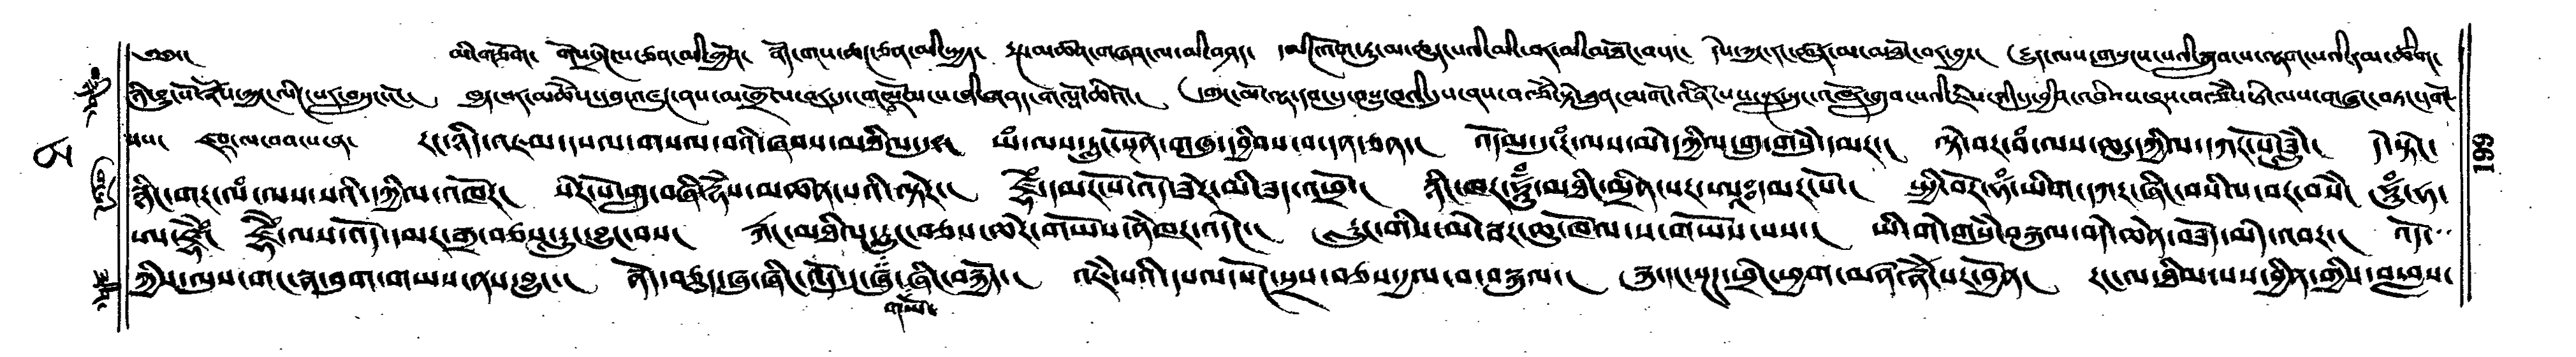མི་གཅོག གོས་དྲེག་པ་ཅན་མི་གྱོན། སྣོད་གས་ཆག་ཅན་མི་སྤྱད། རྟགས་མཚན་གཞན་ལ་མི་བཤད། དམིགས་འོག་ཏུ་མ་ཆུད་པའི་མི་ཕར་མི་མཐོང་བ་དང་། དེས་ཀྱང་རང་ཚུར་མ་མཐོང་བར་བྱ། རྒྱུད་ལས་གསུངས་པའི་སྒྲུབ་པ་ལྷག་པའི་དམ་ཚིག་
ཉི་ཤུ་པོ་རྣམས་ཀྱང་ལེགས་པར་བསྲུང་ངོ་། ཁྱད་པར་མཚམས་དབུ་བཙུུགས་ནས་མ་གྲོལ་བར་དུ་ངག་སྡོམ་པ་ནི་གནད་གལ་པོ་ཆེའོ། དགོང་མོ་ལྷ་དབང་དུ་བསྡུ་བའི་དུས་ནས་བརྩམས་ཏེ་ཐུན་མགོ་འཛིན་པས་སྔར་སྲུང་འཁོར་གྲུབ་པའི་རྗེས་ཉིད་དུ་བྱིན་འབེབས་ནས་བརྩམས་ཏེ་ལས་གཞུང་གཏོང་དགོས་
པས། ཛཔྲ་ལ་བབ་པ་ན། རང་ཉིད་འཇམ་དཔལ་གསལ་བའི་ཞབས་མཐིལ་དུ། །ཡཾ་ལས་རླུང་སྔོན་གཞུ་དབྱིབས་བ་དན་ཅན། །འདོམས་སུ་རཾ་ལས་མེ་དཀྱིལ་གྲུ་གསུམ་དམར། །ལྟེ་བར་བཾ་ལས་ཆུ་དཀྱིལ་དཀར་པོ་ཟླུམ། །དེ་སྟེང་
སྙིང་གར་ལཾ་ལས་སའི་དཀྱིལ་འཁོར། །སེར་པོ་གྲུ་བཞི་རྡོ་རྗེས་མཚན་པའི་ལྟེར། །ཛི་ཧཾ་དམར་པོ་འོད་ཟེར་མེ་ཟད་འཕྲོ། །སྙིང་ཁར་ཧཱུྃ་མཐིང་མགྲིན་པར་ཨཱཿདམར་པོ། །སྤྱི་བོར་ཧཾ་ཡིག་དཀར་ཞིང་བསིལ་བར་བསམ། །ཧཱུྃ་ཧ་
ཨ་ཛྷཻཾ།ཛྷཻཾ་ལས་འོད་དམར་སྒྲ་བཅས་རླུང་བྱུང་བས། །རྐང་མཐིལ་རླུང་བཅས་ཆེར་གཡོས་ནམ་མཁར་འདེགས། །རླུང་གིས་མེ་སྦར་ཆུ་ཁོལ་ས་གཡོས་པས། །ཡི་གེ་གསུམ་བསྐུལ་བདེ་ཆེན་བཟོད་མེད་འབར། །འོད་
ཀྱིས་ལུས་གང་སྣ་བུག་གཡས་ནས་བྱུང་། །སྣོད་བཅུད་ཞུ་ཞིང་འོད་ཞུ་གཡོ་ཞིང་བསྐྱོད། །འཇམ་པའི་དཔལ་སོགས་སྲས་བཅས་རྒྱལ་བ་བསྐུལ། །སྐུ་དང་སྔགས་ཕྲེང་ཕྱག་མཚན་རྣམ་པར་བྱོན། །རང་ལ་ཐིམ་པས་བྱིན་གྱིས་བ་བརླབས་